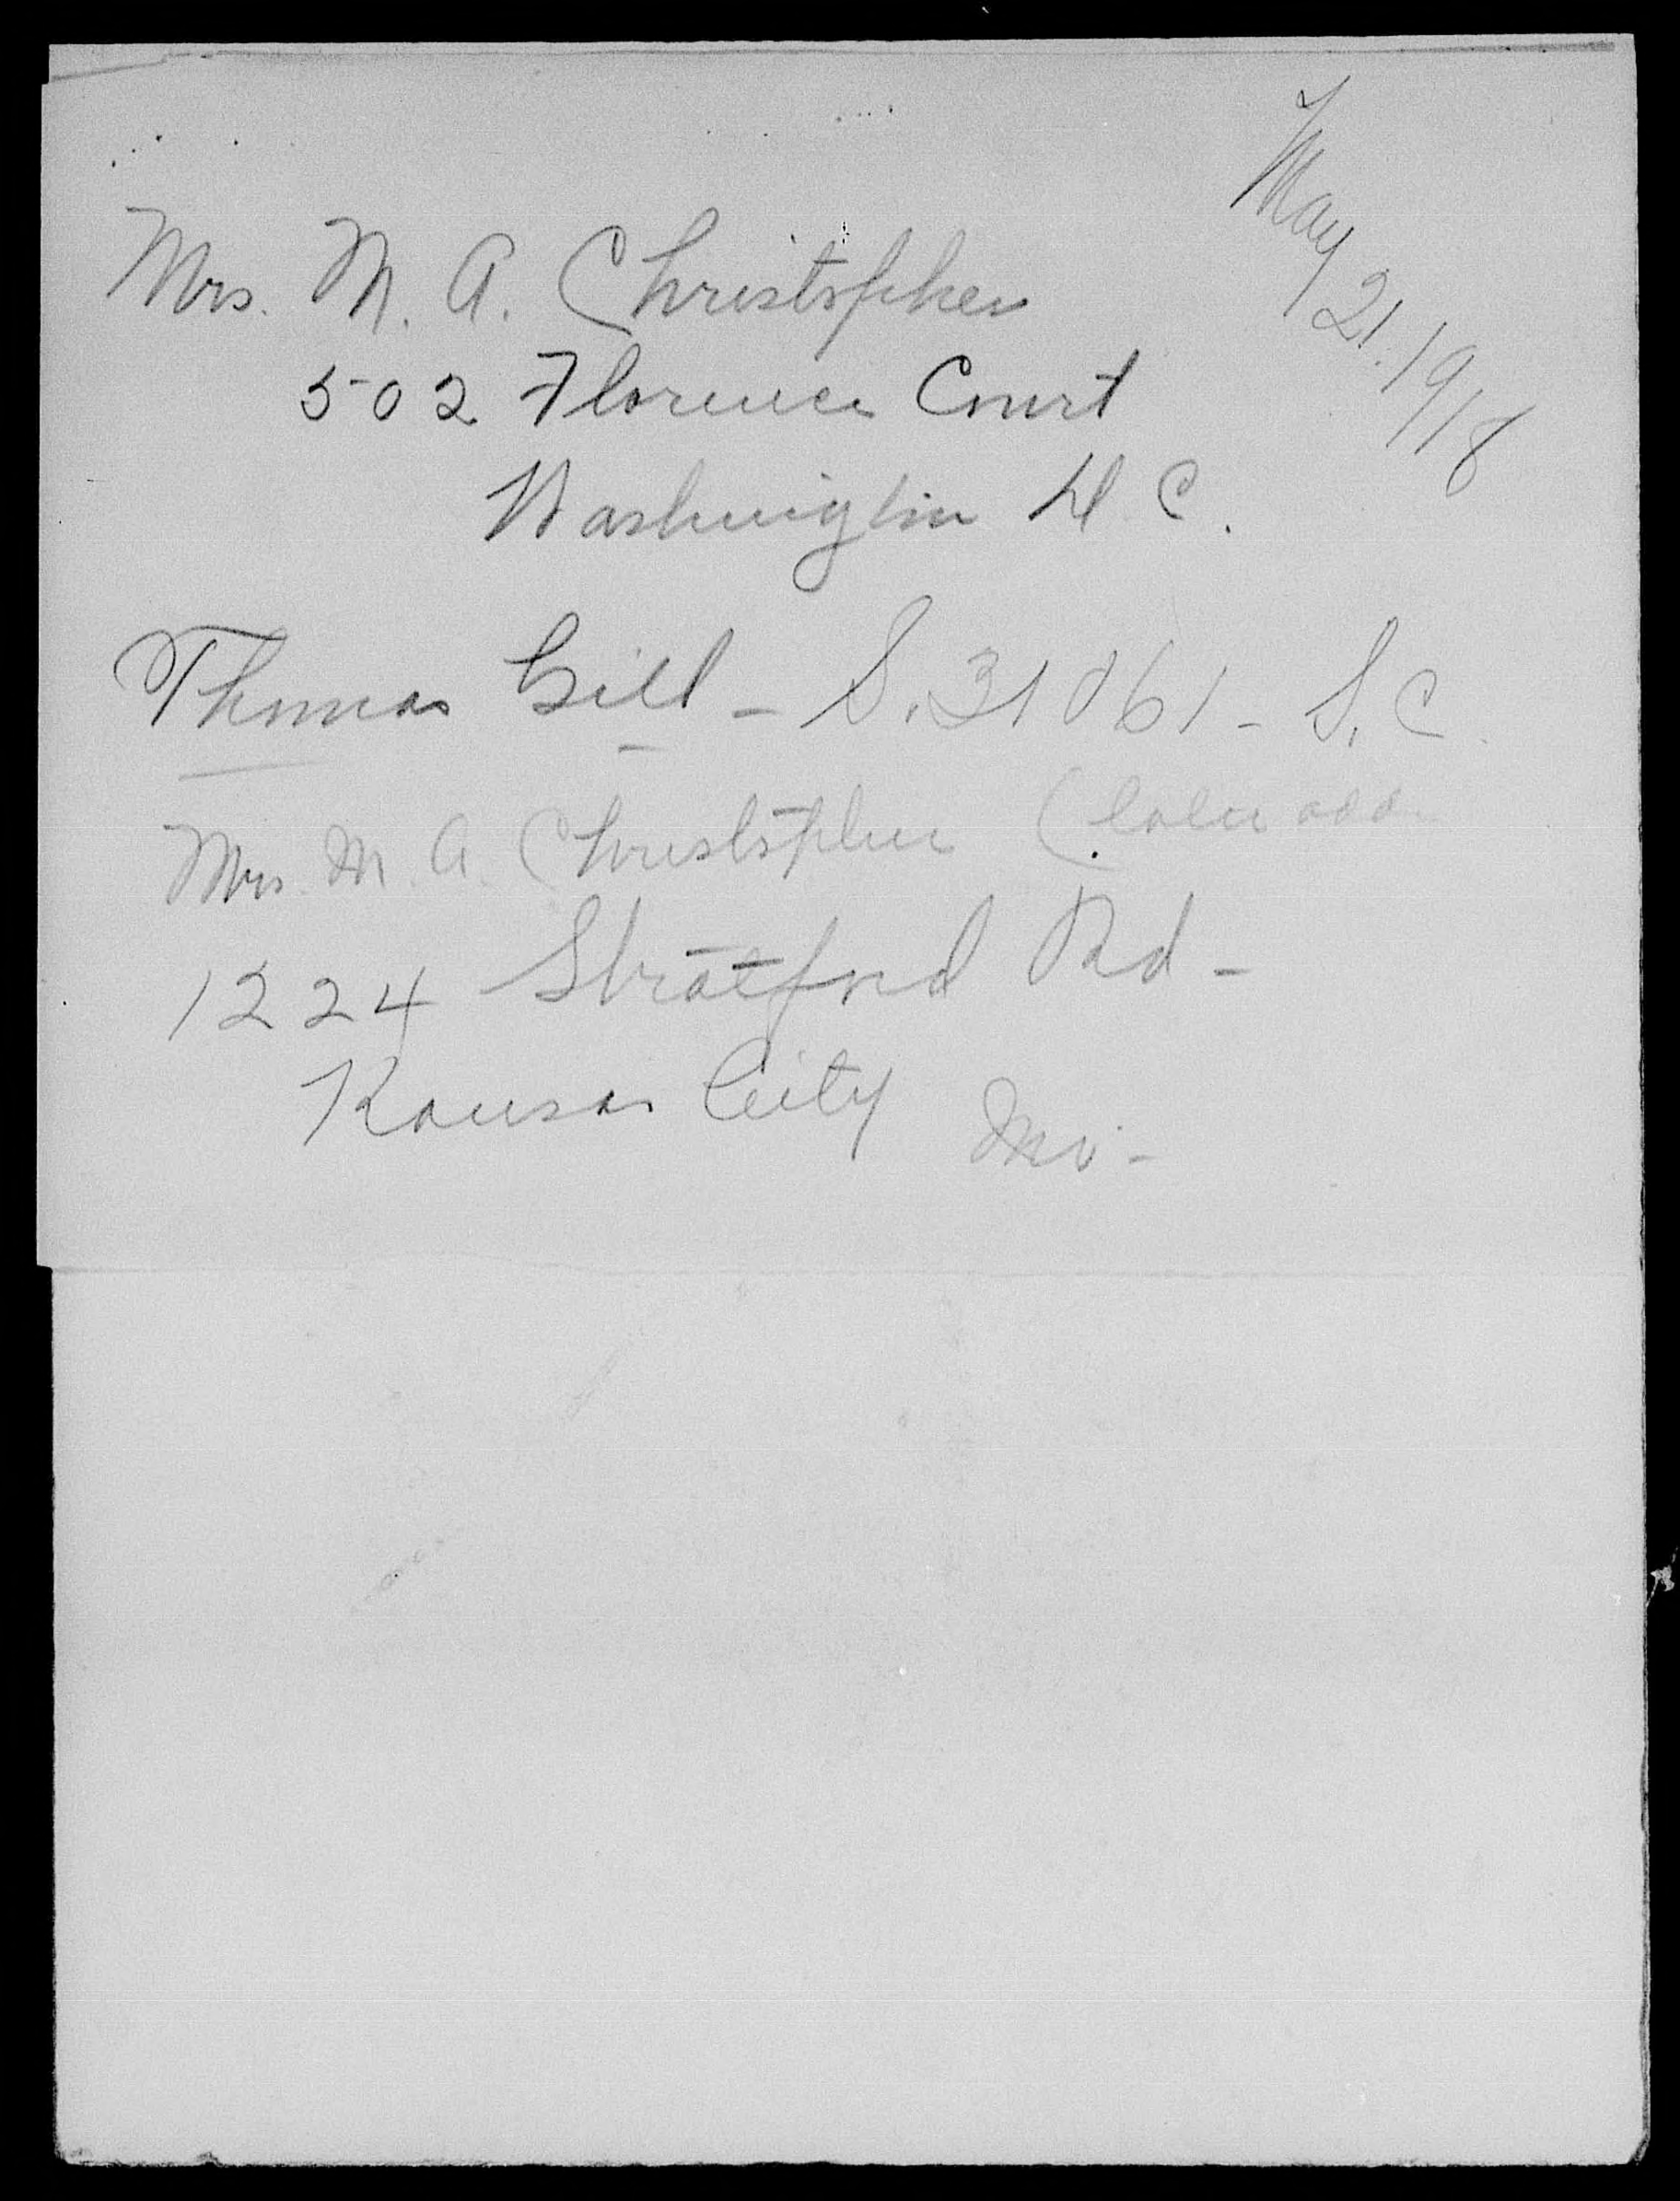May 21 1918
Mrs MA Christopher
502 Florence Court
Washington DC
Thomas Gill S31061 SC
Mrs MA Christopher
1224 Stratford Rd
Kansas City MO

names: M A Christopher, M A Christopher, Thomas Gill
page: 42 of 44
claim: survivor's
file: S. 31,061, Thomas Gill, S.C.